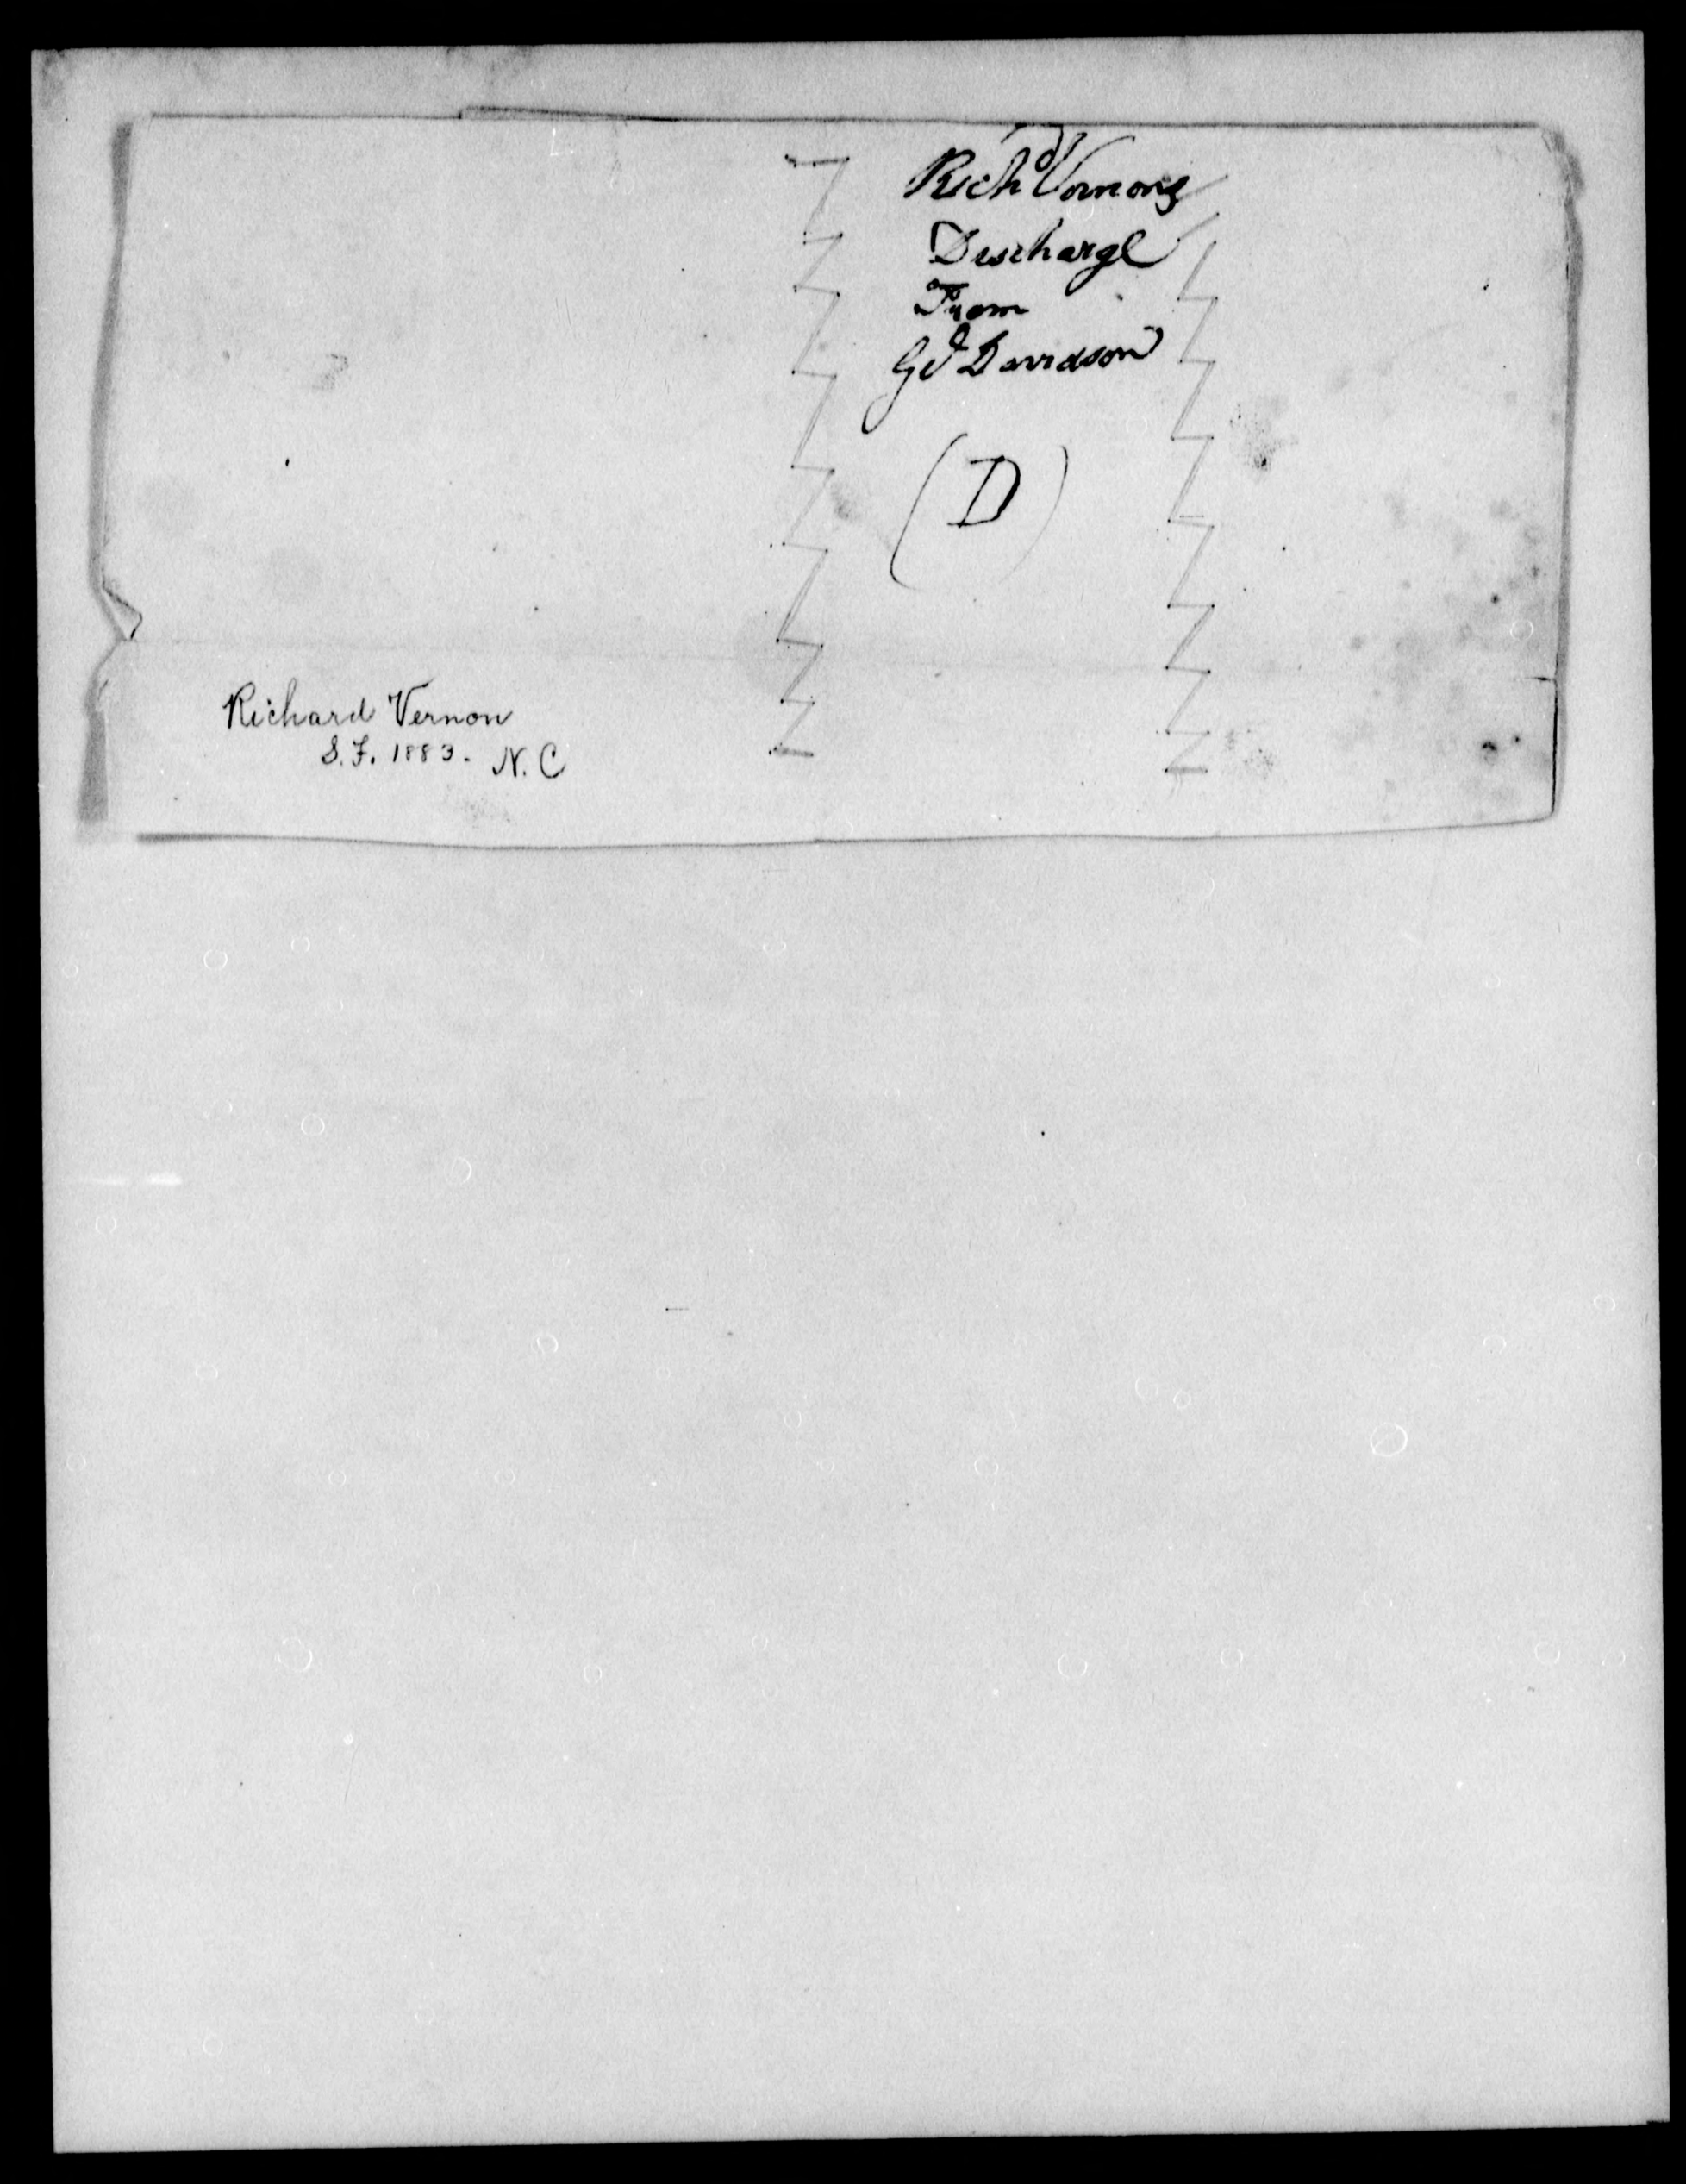Rich'd. Vernon
Discharge
From Gel Davidson
(D)
Richard Vernon 
S.F. 1883 N. C.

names: Geo Davidson, Richard Vernon, Richd Vernon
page: 29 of 105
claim: survivor's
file: S. 1883, Richard Vernon, N.C.